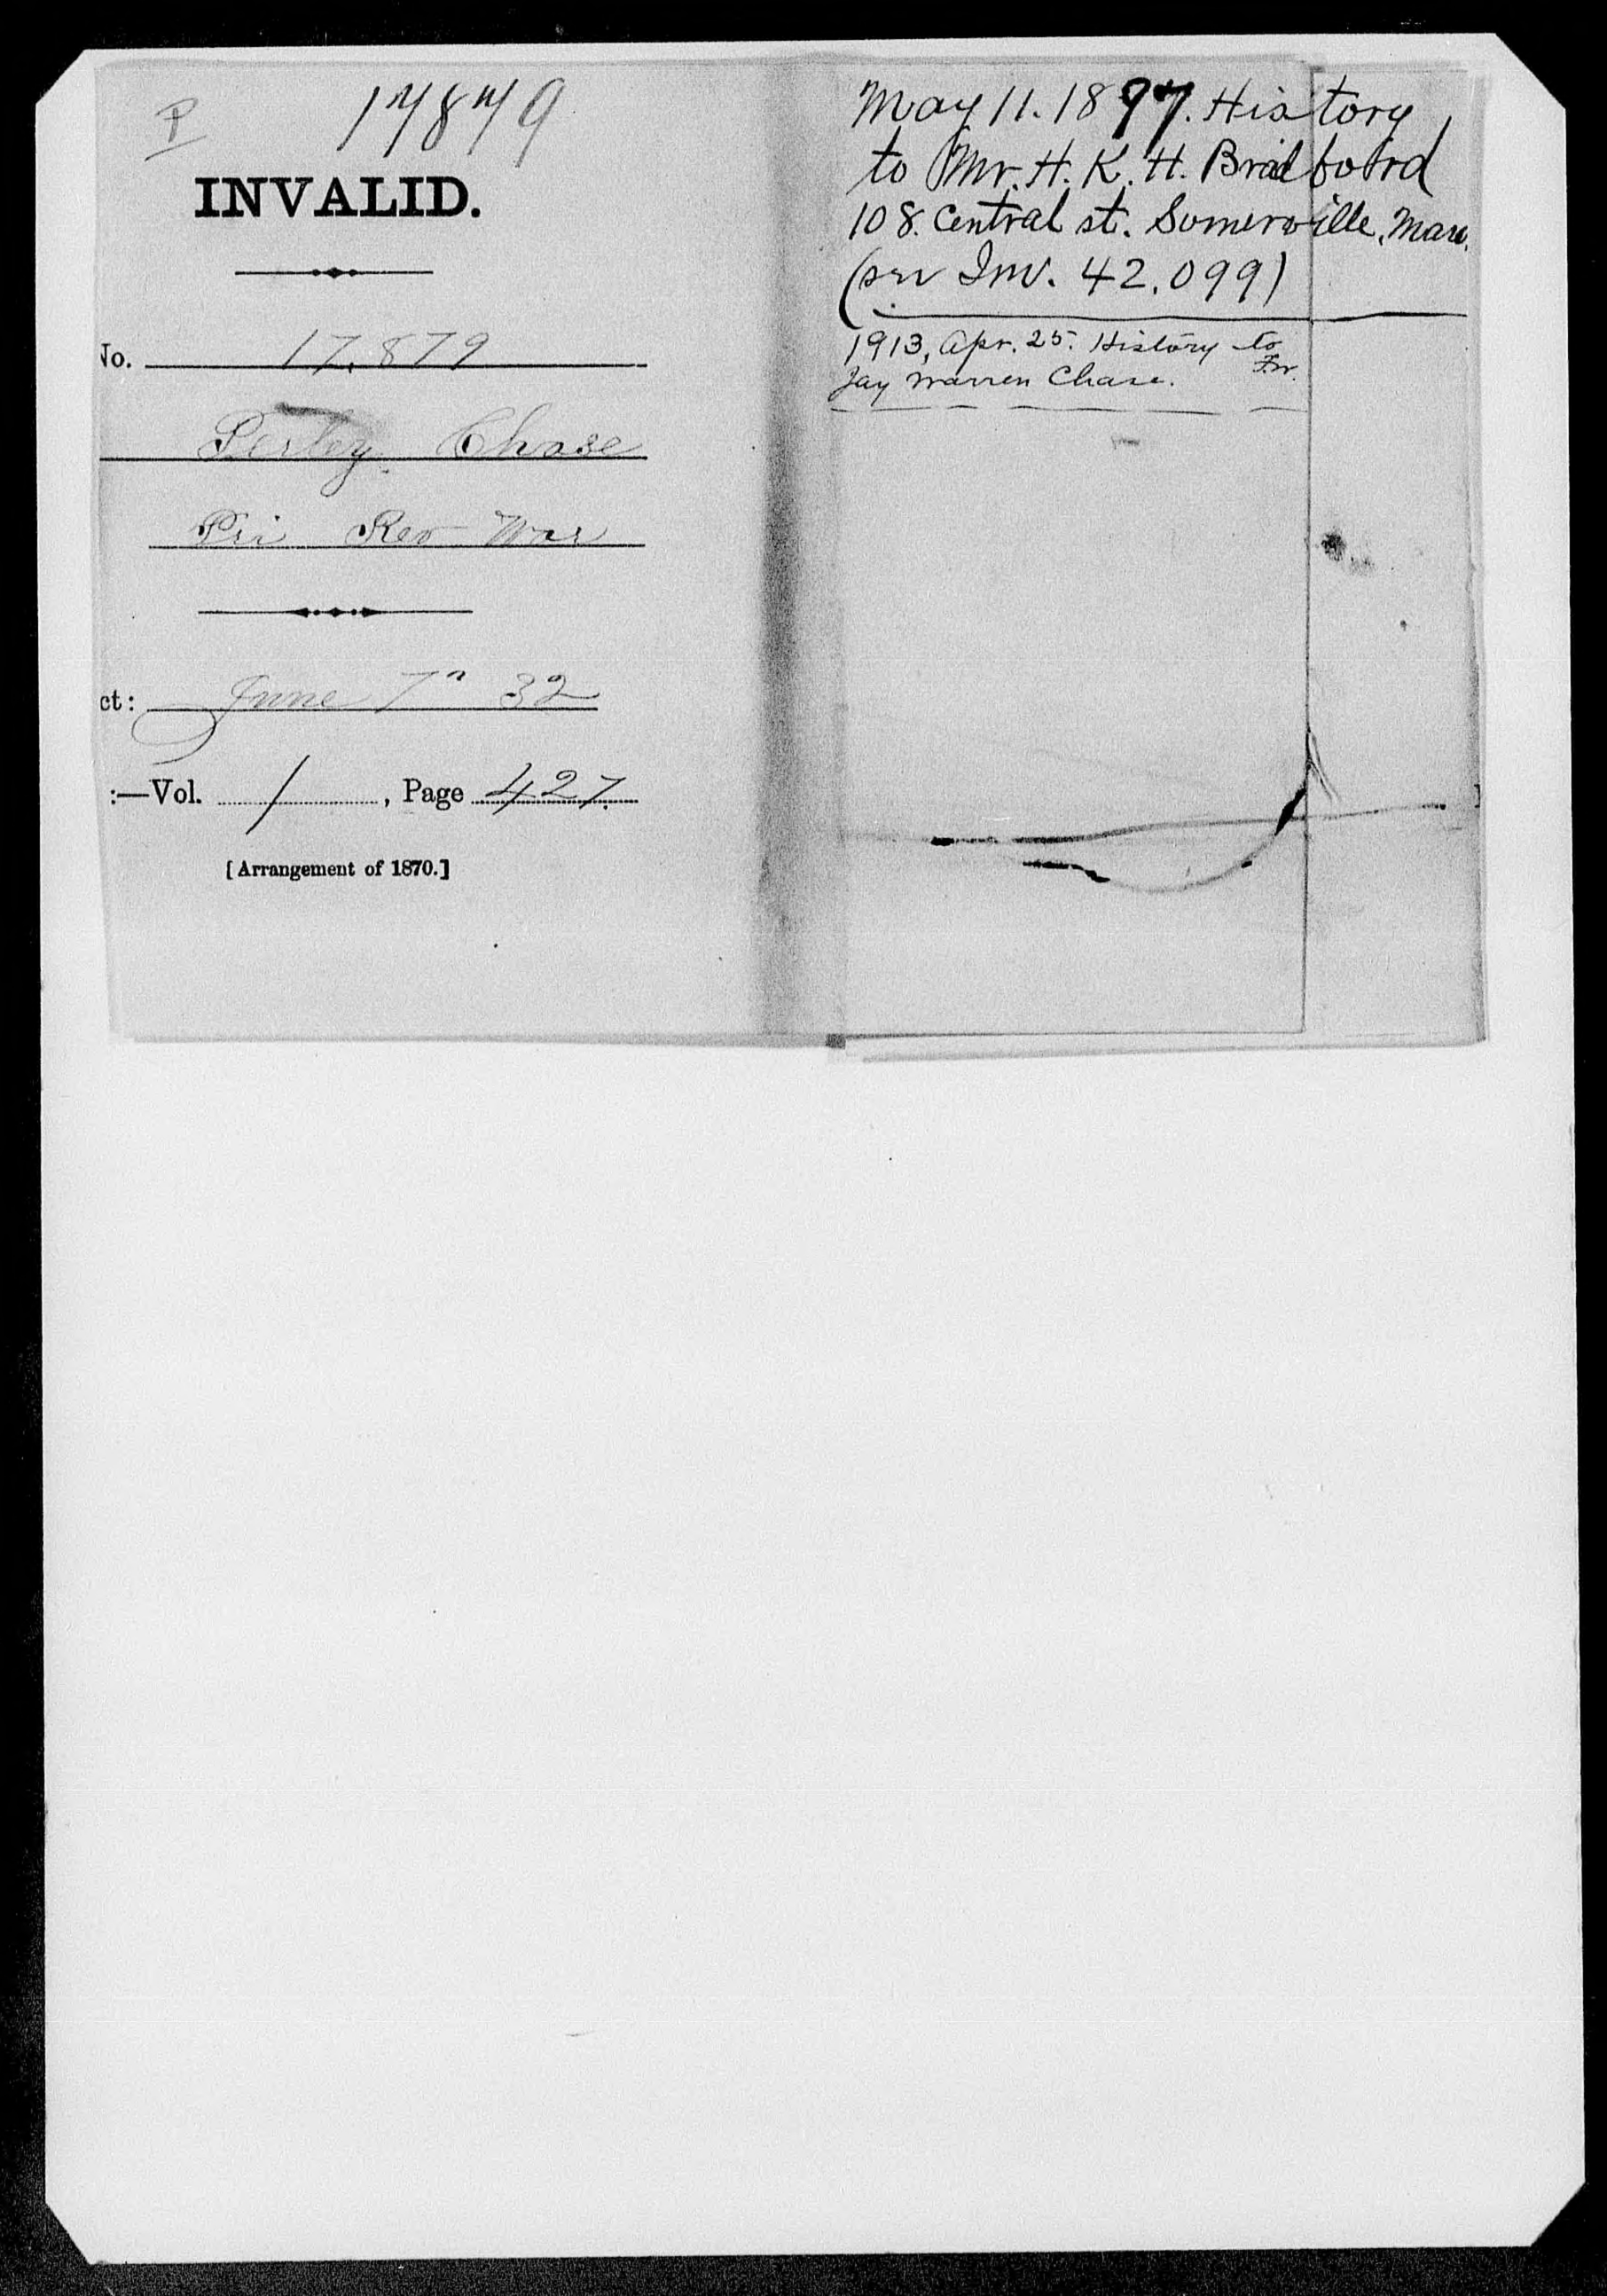p. 17879
INVALID.
No. 17.879
Perley Chase
Pri. Rev. War

Act: June 7, '32
Vol 1, Page 427
(Arrangement of 1870)

May 11, 1897 History
to Mr. H. K. H. Bradford
108 Central St. Summerville, Mass.
(ser. Jm. 42.099)
1913 April. 25. History to fm.
Jay Warren Chase.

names: Jay Warren Chase, Perley Chase, H K H Bradford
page: 8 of 24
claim: survivor's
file: S. 17879, Perley Chase, Continental Mass.